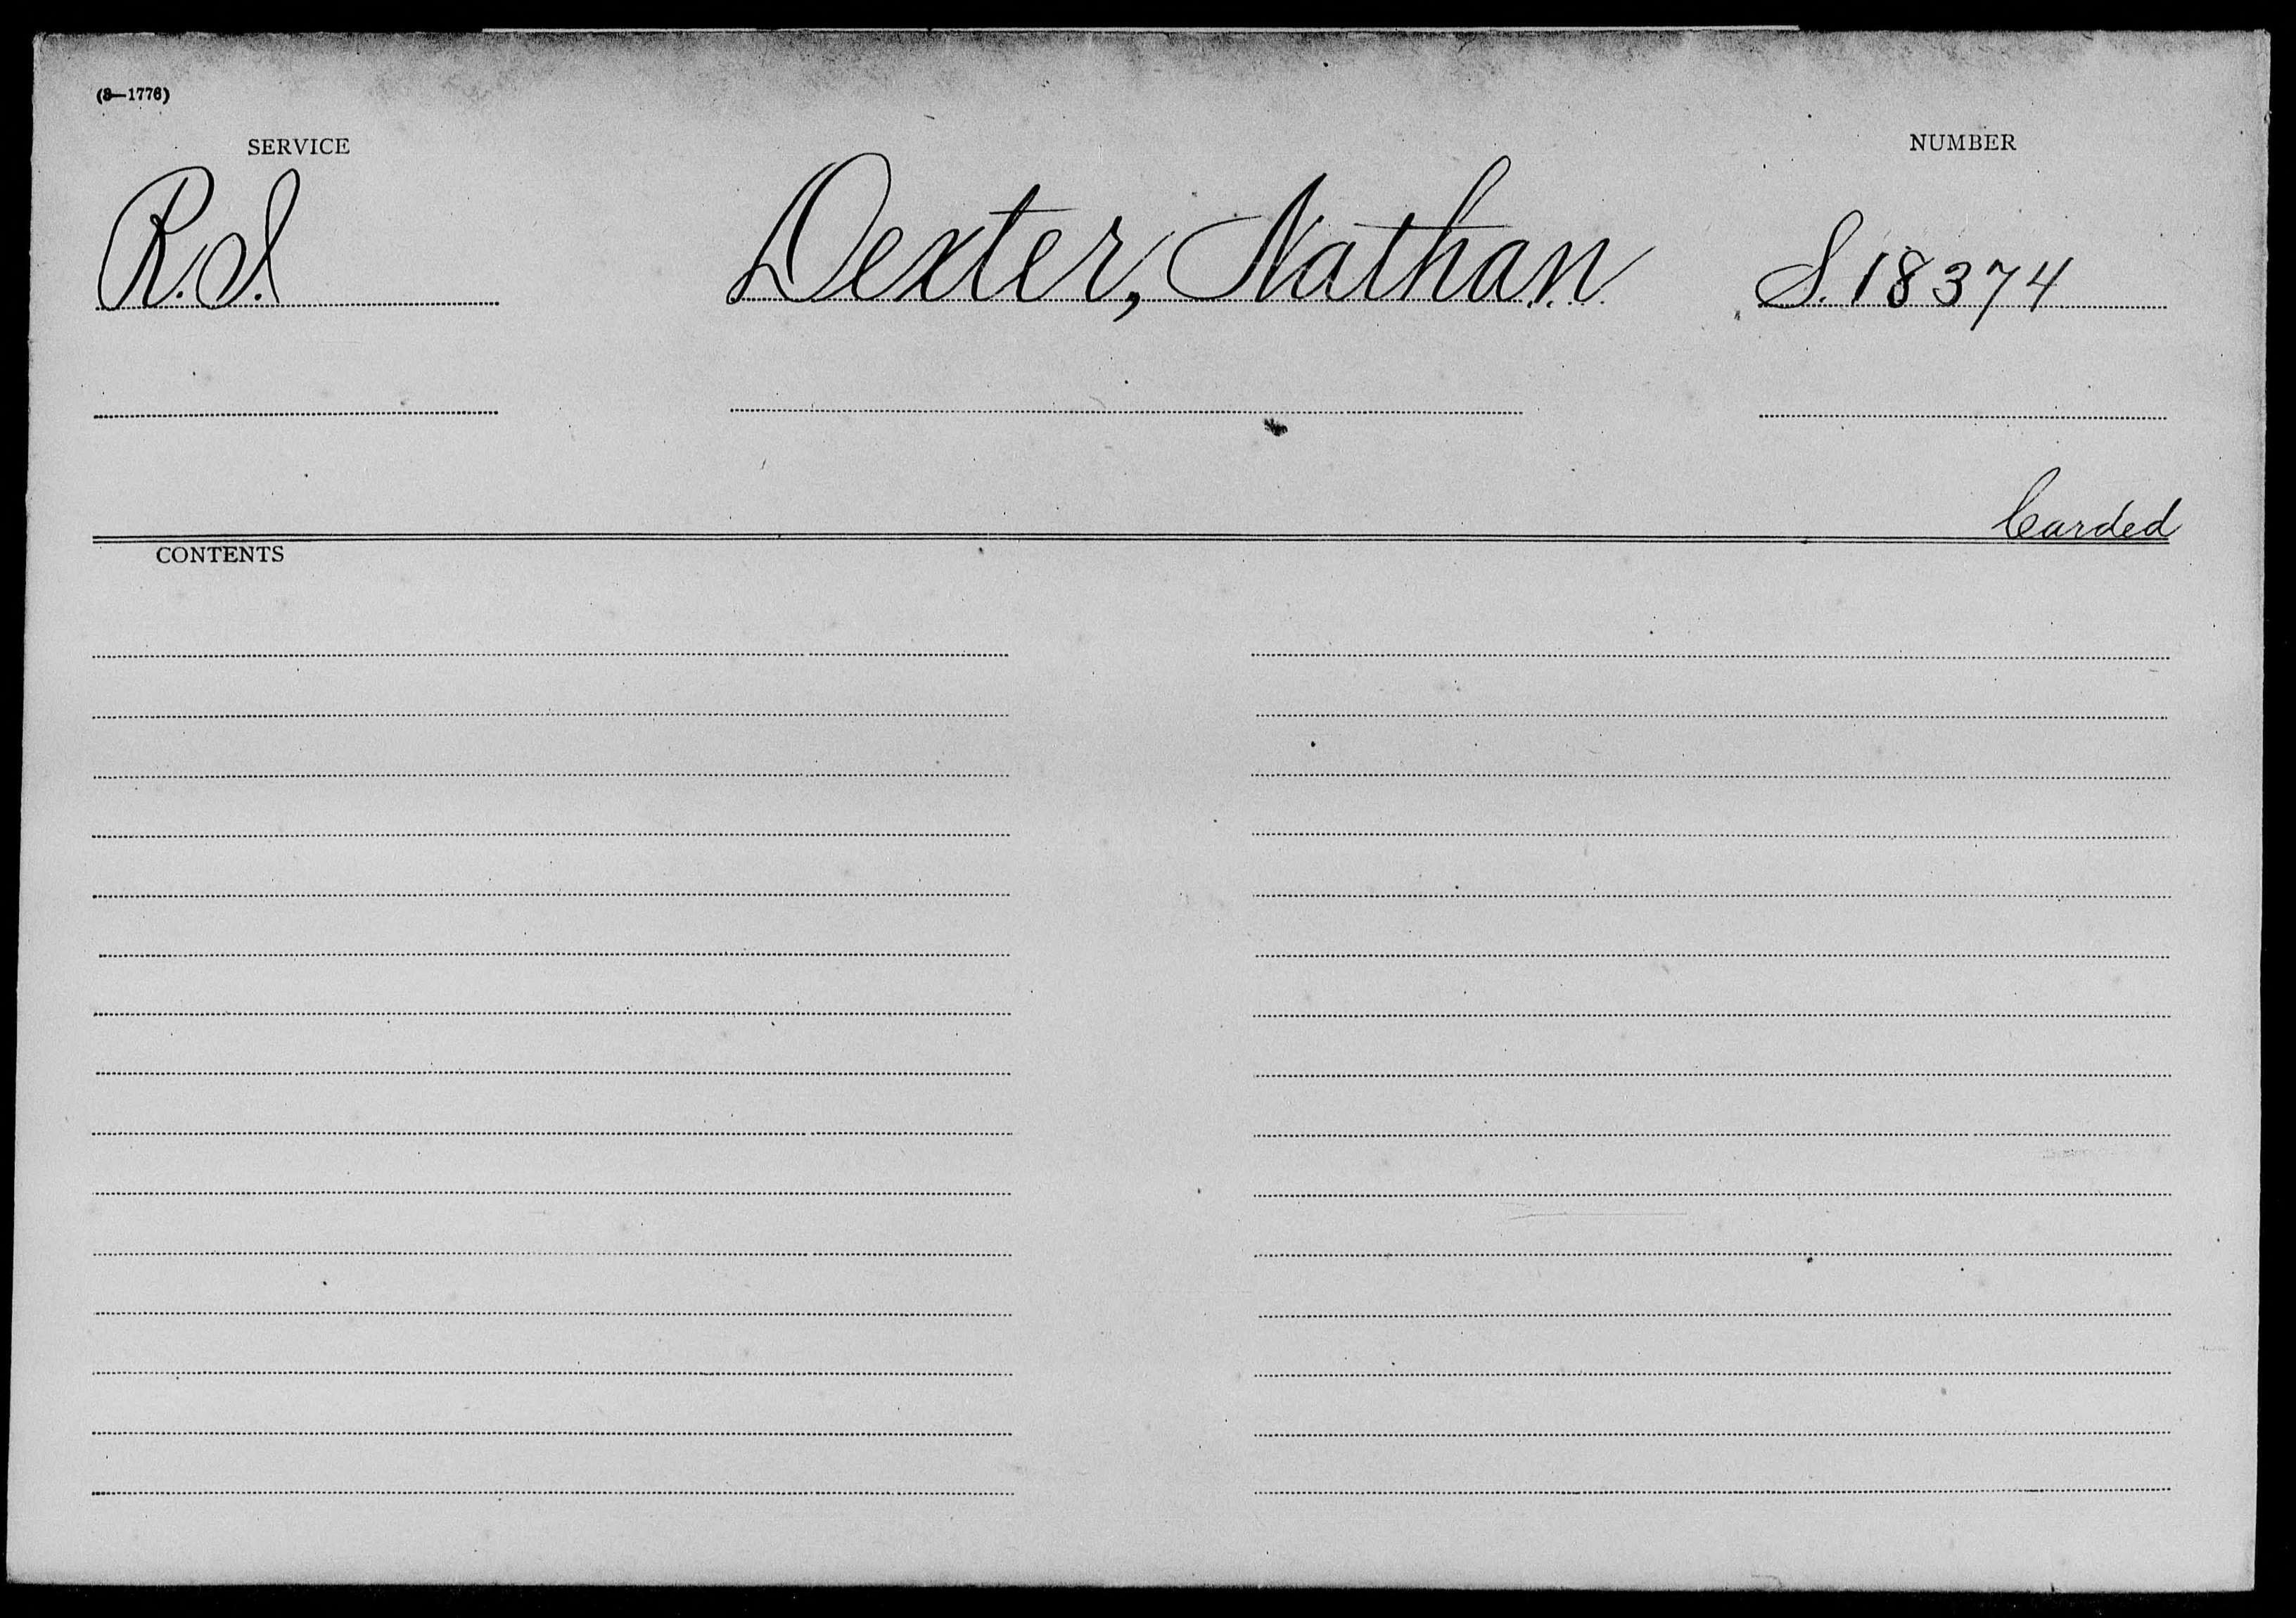(3 - 1776)
SERVICE
R. I

Dexter, Nathan
NUMBER
S. 18374

Carded
CONTENTS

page: 1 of 35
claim: survivor's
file: S. 18374, Nathan Dexter, R.I.